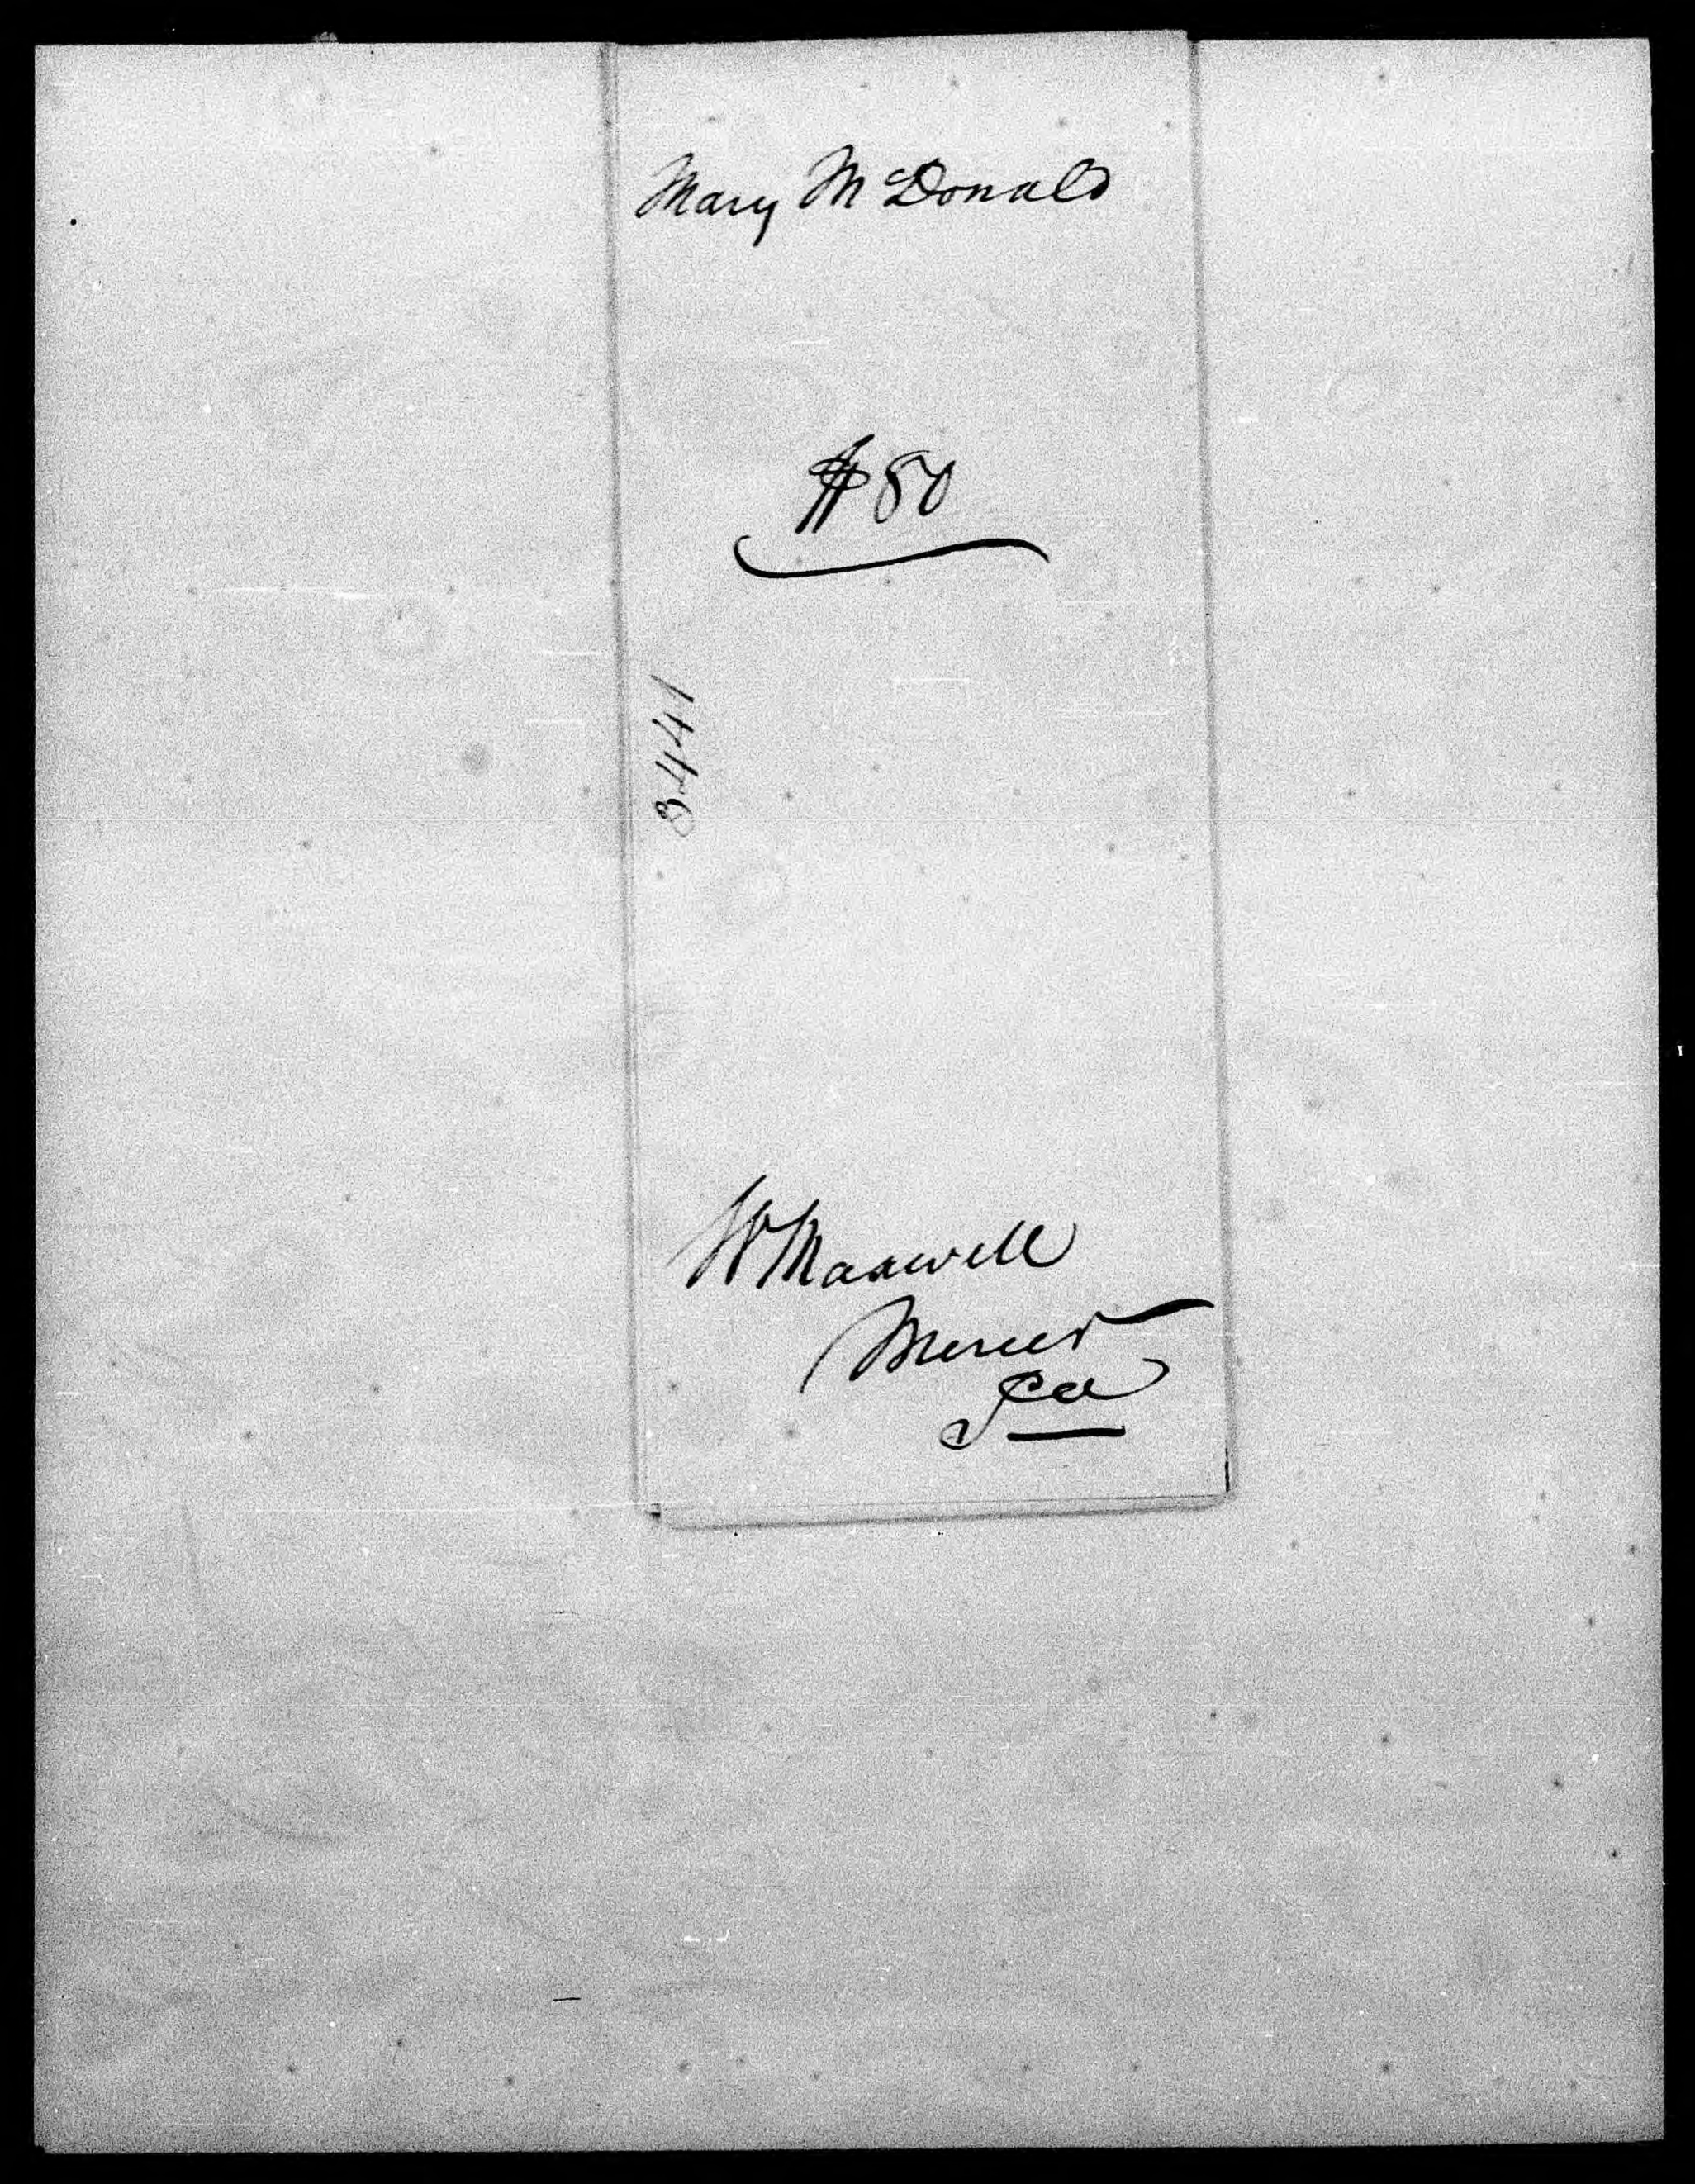Mary McDonald
$80
3441
Wm Maxwell 
Mercer Pa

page: 43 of 59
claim: widow's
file: W 3703, for Robert Mc Donald, Pennsylvania